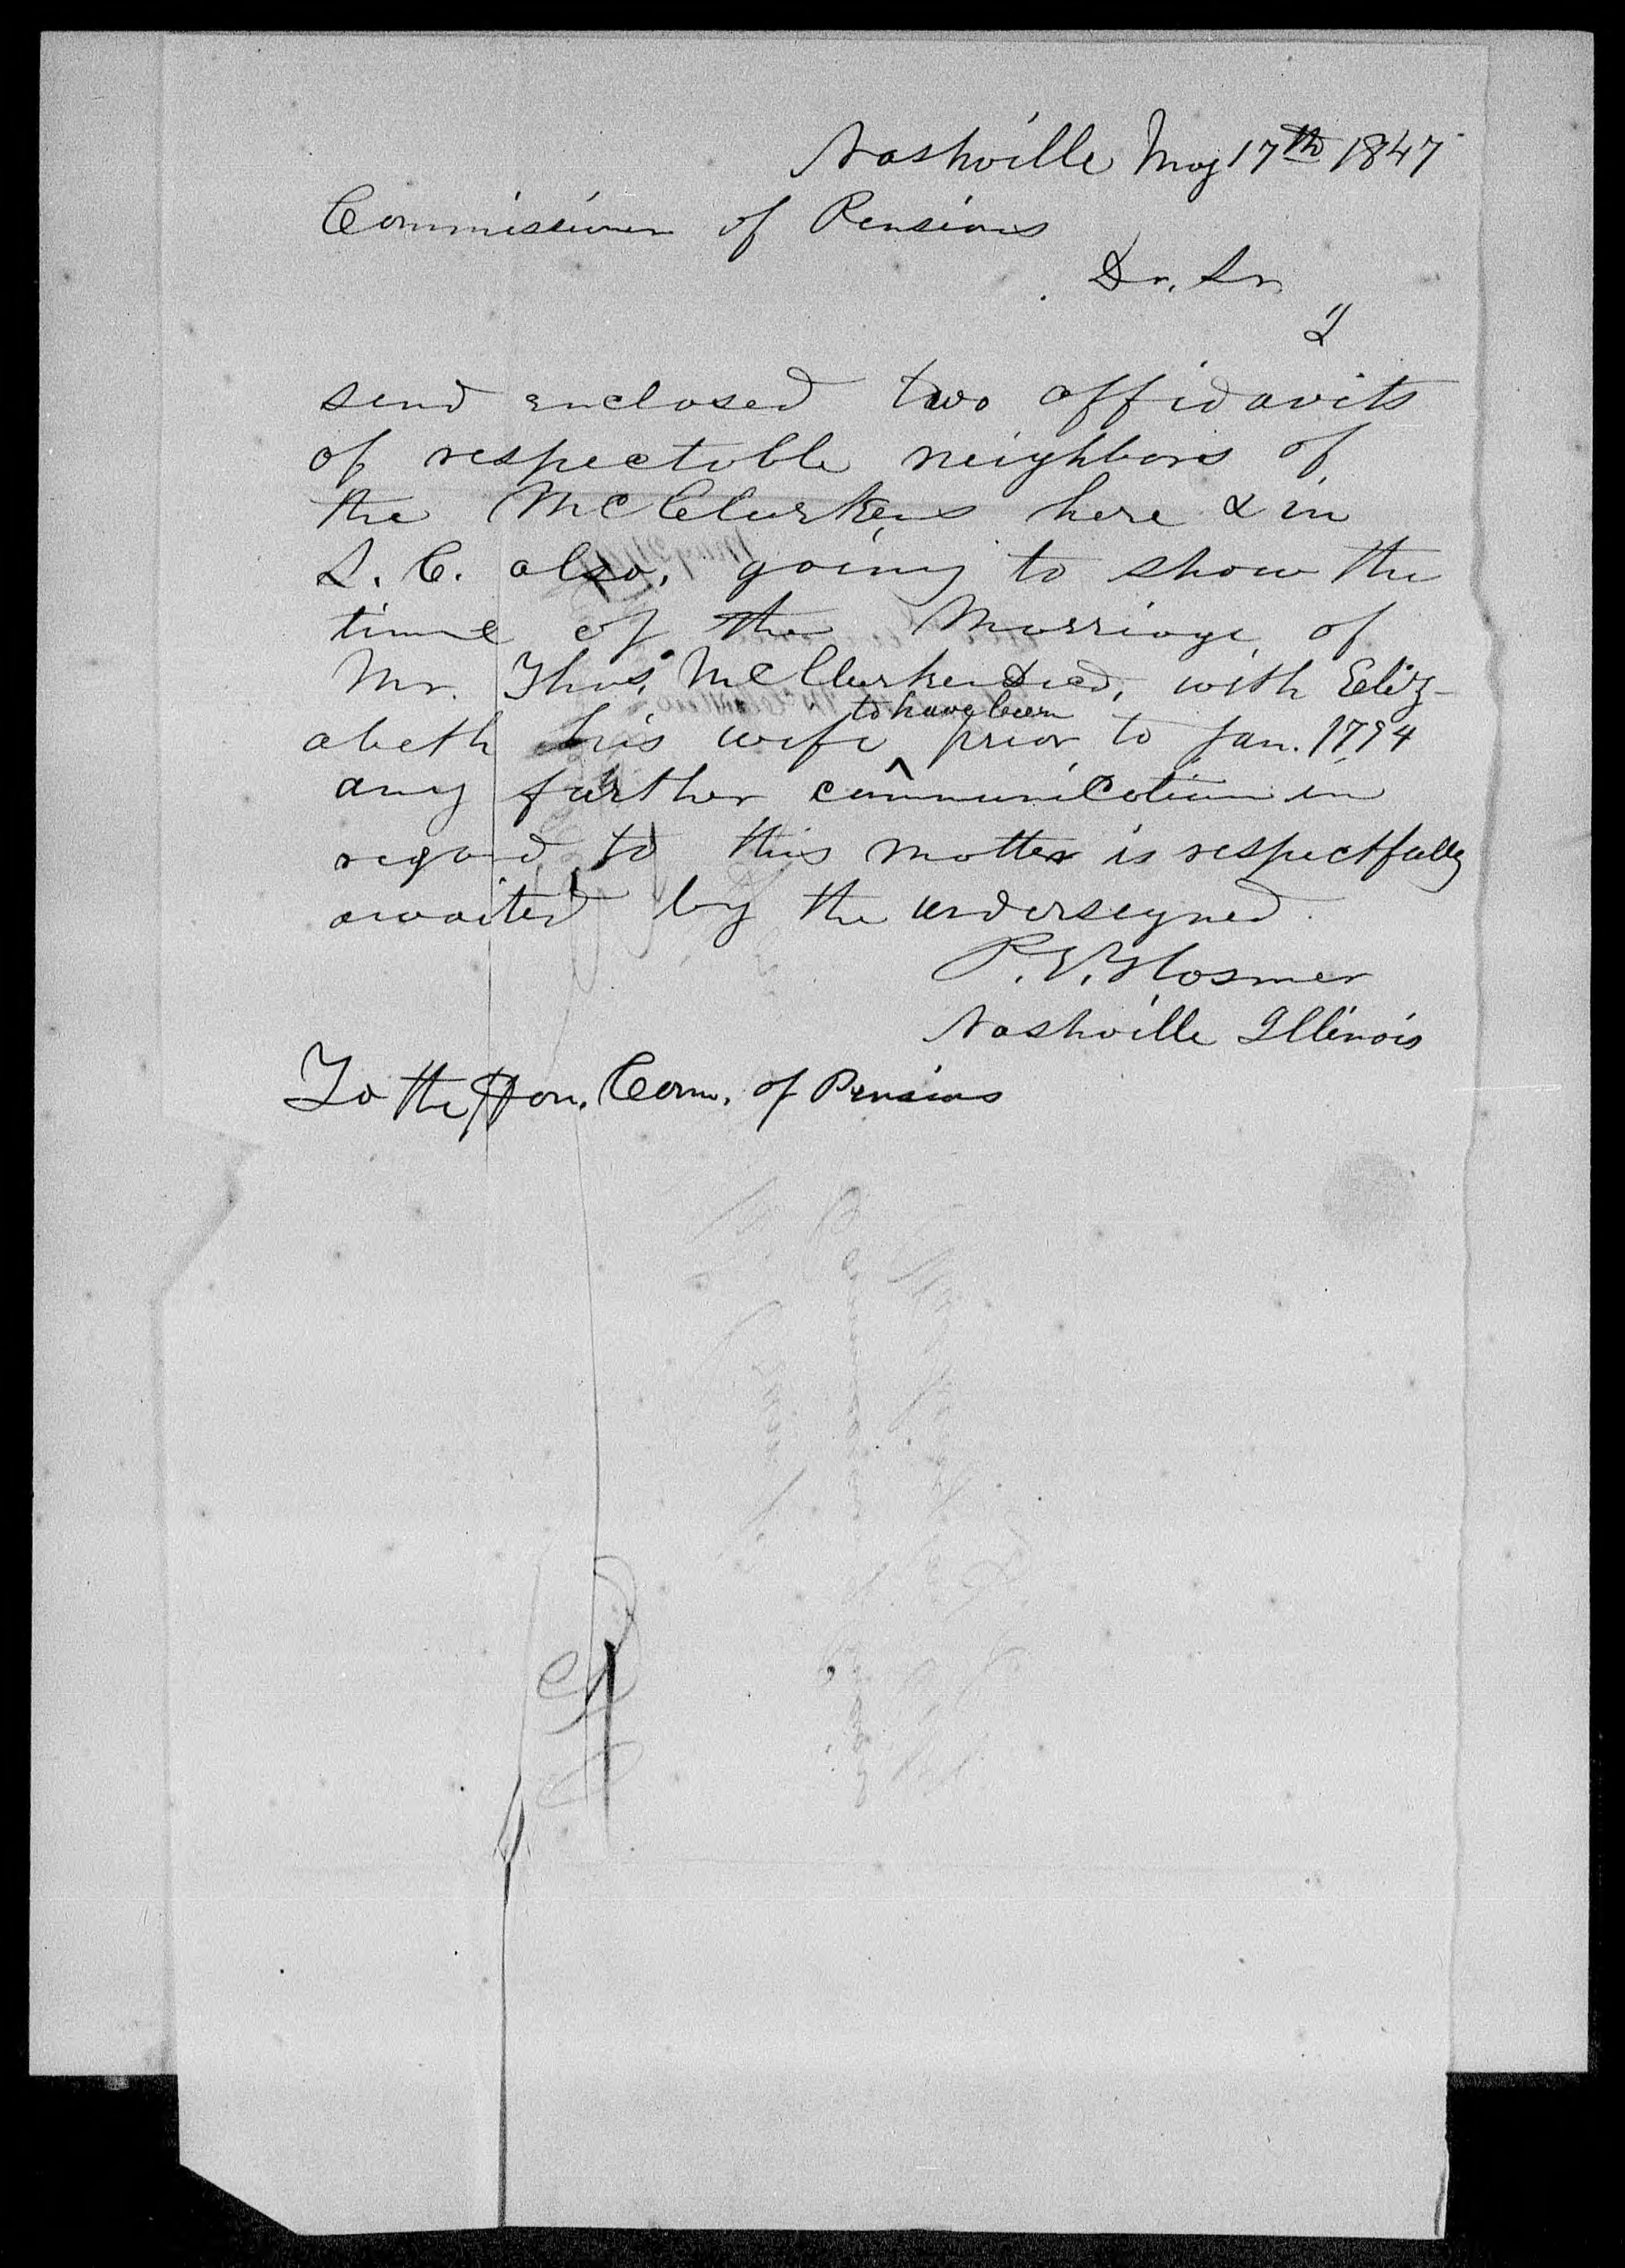Nashville May 17th 1847 

Commissioner of Pensions 

Dear Sir
I
send enclosed two affidavits 
of respectable  neighbors of
the McClurkens here & in 
S. C. also, going to show the 
time of the Marriage of
Mr. Thomas McClurken & with Elizabeth
his wife to have been prior to Jan. 1794 
any further communication in 
regard to this matter is respectfully
awaited by the undersigned 
P.E. Hosmer 
Nashville Illinois 

To the Hon. Com of Pensions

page: 56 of 93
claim: widow's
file: W. 21792, for Thomas Mc Clurken, South Carolina